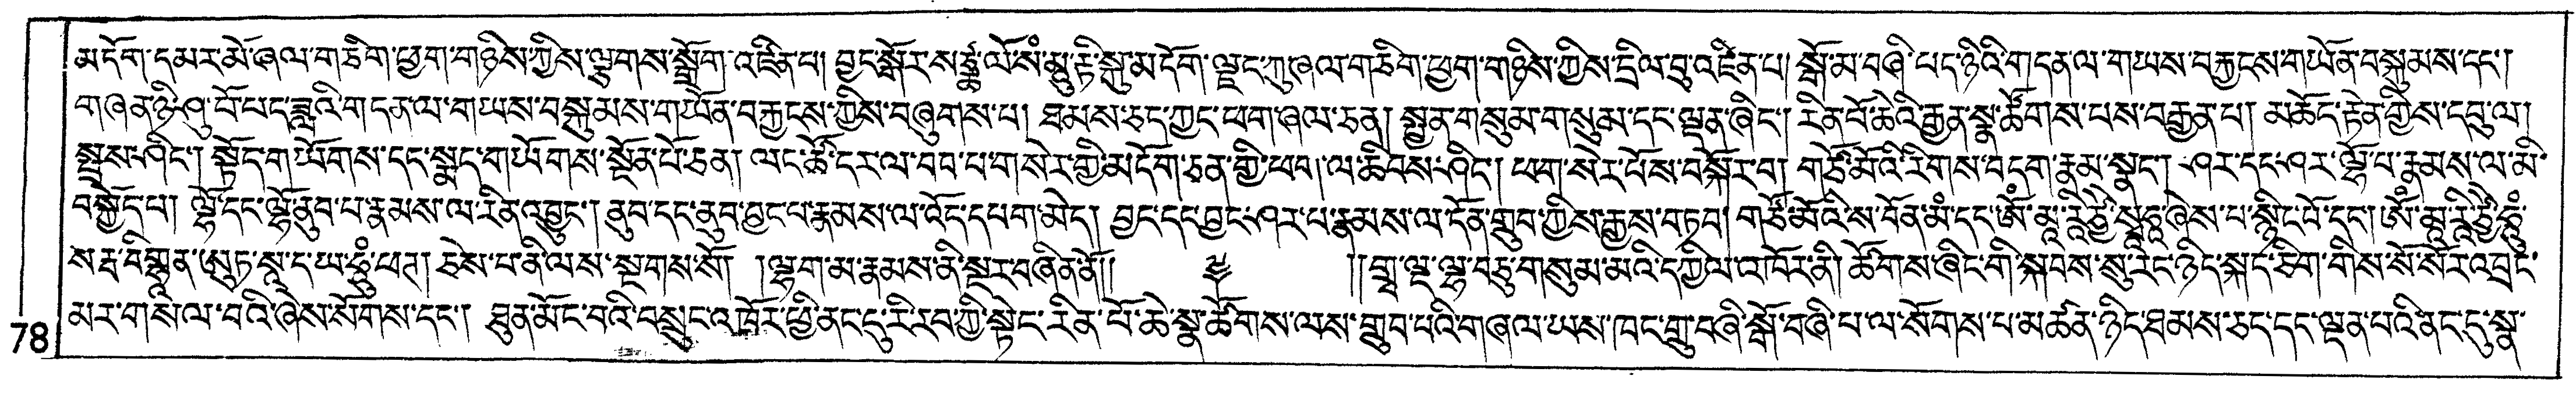མདོག་དམར་མོ་ཞལ་གཅིག་ཕྱག་གཉིས་ཀྱིས་ལྕགས་སྒྲོག་འཛིན་པ། བྱང་སྒོར་སཙྪ་ལོ་སཾ་མཱུ་རྟི་སྐུ་མདོག་ལྗང་ཀུ་ཞལ་གཅིག་ཕྱག་གཉིས་ཀྱིས་དྲིལ་བུ་འཛིན་པ། སྒོ་མ་བཞི་པད་ཉིའི་གདན་ལ་གཡས་བརྐྱངས་གཡོན་བསྐུམས་དང་།
གཞན་ཉི་ཤུ་པོ་པད་ཟླའི་གདན་ལ་གཡས་བསྐུམས་གཡོན་བརྐྱངས་ཀྱིས་བཞུགས་པ། ཐམས་ཅད་ཀྱང་ཕག་ཞལ་ཅན། སྤྱན་གསུམ་གསུམ་དང་ལྡན་ཞིང་། རིན་པོ་ཆེའི་རྒྱན་སྣ་ཚོགས་པས་བརྒྱན་པ། མཆོད་རྟེན་གྱིས་དབུ་ལ།
སྤྲས་ཤིང་། སྟོད་གཡོགས་དང་སྨད་གཡོགས་སྔོན་པོ་ཅན། ལང་ཚོ་དར་ལ་བབ་པ་གསེར་གྱི་མདོག་ཅན་གྱི་ཕག་ལ་ཆིབས་ཤིང་། ཕག་སེར་པོས་བསྐོར་བ། གཙོ་མོའི་རིགས་བདག་རྣམ་སྣང་། ཤར་དང་ཤར་ལྷོ་པ་རྣམས་ལ་མི་
བསྐྱོད་པ། ལྷོ་དང་ལྷོ་ནུབ་པ་རྣམས་ལ་རིན་འབྱུང་། ནུབ་དང་ནུབ་བྱང་པ་རྣམས་ལ་འོད་དཔག་མེད། བྱང་དང་བྱང་ཤར་པ་རྣམས་ལ་དོན་གྲུབ་ཀྱིས་རྒྱས་བཏབ། གཙོ་མོའི་ས་བོན་མཾ་དང་ཨོཾ་མཱ་རཱི་ཙྱཻ་སྭཱཧཱ་ཞེས་པ་སྙིང་པོ་དང་། ཨོཾ་མཱ་རཱི་ཙྱཻ་ཧཱུཾ་
སརྦ་བིགྷཱན་ཨུཏ་སཱ་ད་ཡ་ཧཱུཾ་ཕཊ། ཅེས་པ་ནི་ལས་སྔགས་སོ། །ལྷག་མ་རྣམས་ནི་སྔར་བཞིན་ནོ།། ༈ །།གྲྭ་ལྔ་ལྷ་བཅུ་གསུམ་མའི་དཀྱིལ་འཁོར་ནི། ཚོགས་ཞིང་གི་སྐབས་སུ་རང་ཉིད་སྐད་ཅིག་གིས་སོ་སོར་འབྲང་
མར་གསལ་བའི་ཞེས་སོགས་དང་། ཐུན་མོང་བའི་བསྲུང་འཁོར་ཕྱི་ནང་དུ་རི་རབ་ཀྱི་སྟེང་རིན་པོ་ཆེ་སྣ་ཚོགས་ལས་གྲུབ་པའི་གཞལ་ཡས་ཁང་གྲུ་བཞི་སྒོ་བཞི་པ་ལ་སོགས་པ་མཚན་ཉིད་ཐམས་ཅད་དང་ལྡན་པའི་ནང་དུ་སྣ་